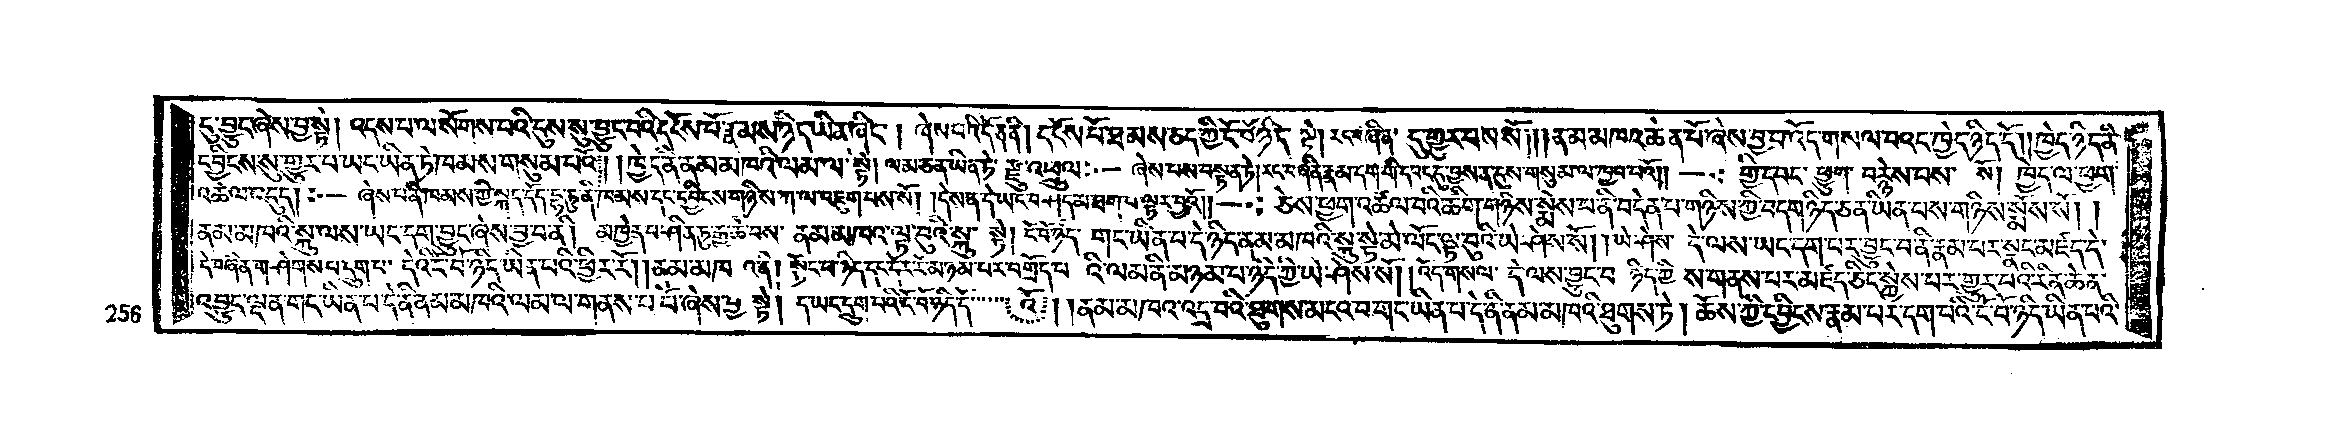དུ་བྱུང་ཞེས་བྱ་སྟེ། འདས་པ་ལ་སོགས་པའི་དུས་སུ་བྱུང་བའི་དངོས་པོ་རྣམས་ཉིད་ཡིན་ཞིང་། ཞེས་པའི་དོན་ནི།  དངོས་པོ་ཐམས་ཅད་ཀྱི་ངོ་བོ་ཉིད་སྟེ། རང་བཞིན་དུ་གྱུར་པས་སོ། །ནམ་མཁའ་ཆེན་པོ་ཞེས་བྱ་བ་འོད་གསལ་བའང་ཁྱེད་ཉིད་དོ། །ཁྱེད་ཉིད་ནི་
དབྱིངས་སུ་གྱུར་པ་ཡང་ཡིན་ཏེ་ཁམས་གསུམ་པའོ། །ཁྱེད་ནི་ནམ་མཁའི་ལམ་ལ་སྟེ། ལམ་ཅན་ཡིན་ཏེ་རྫུ་འཕྲུལ་ཞེས་པས་བསྟན་ཏེ། རང་བཞིན་རྣམ་དག་གི་དབང་དུ་བྱས་ན་དུས་གསུམ་ལ་ཁྱབ་པའོ།།  གྱི་དབང་ཕྱུག་བརྙེས་པས་སོ།  ཁྱེད་ལ་ཕྱག་
འཚལ་འདུད། ཞེས་པ་ནི་ཁམས་ཀྱི་སྐད་དོད་དྷ་ཏུ་ནི་ཁམས་དང་དབྱིངས་གཉིས་ཀ་ལ་འཇུག་པས་སོ། །དེས་ན་དེ་ཡང་བཤད་མ་ཐག་པ་ལྟར་བྱའོ།།  ཅེས་ཕྱག་འཚལ་བའི་ཚིག་གཉིས་སྨོས་པ་ནི་བདེན་པ་གཉིས་ཀྱི་བདག་ཉིད་ཅན་ཡིན་པས་གཉིས་སྨོས་སོ། །
ནམ་མཁའི་སྐུ་ལས་ཡང་དག་བྱུང་ཞེས་བྱ་བ་ནི། མཁྱེན་པ་ཤིན་ཏུ་རྒྱ་ཆེ་བས་ནམ་མཁའ་ལྟ་བུའི་སྐུ་སྟེ། ངོ་བོ་ཉིད་གང་ཡིན་པ་དེ་ཉིད་ནམ་མཁའི་སྐུ་སྟེ་མེ་ལོང་ལྟ་བུའི་ཡེ་ཤེས་སོ། །ཡེ་ཤེས་དེ་ལས་ཡང་དག་པར་བྱུང་བ་ནི་རྣམ་པར་སྣང་མཛད་དེ་
དེ་བཞིན་གཤེགས་པ་དྲུག་པ་དེའི་ངོ་བོ་ཉིད་ཡིན་པའི་ཕྱིར་རོ། །ནམ་མཁའ་ནི། སྟོང་པ་ཉིད་དང་དེར་རོ་མཉམ་པར་བགྲོད་པའི་ལམ་ནི་མཉམ་པ་ཉིད་ཀྱི་ཡེ་ཤེས་སོ། ། འོད་གསལ་དེ་ལས་བྱུང་བ་ཉིད་ཀྱིས་གནས་པར་མཛད་ཅིང་སྐྱེས་པར་གྱུར་པའི་རིན་ཆེན་
འབྱུང་ལྡན་གང་ཡིན་པ་དེ་ནི་ནམ་མཁའི་ལམ་ལ་གནས་པ་པོ་ཞེས་བྱ་སྟེ། དེ་ཡང་དྲུག་པའི་ངོ་བོ་ཉིད་དོ་འོ། །ནམ་མཁའ་འདྲ་བའི་ཐུགས་མངའ་བ་གང་ཡིན་པ་དེ་ནི་ནམ་མཁའི་ཐུགས་ཏེ། ཆོས་ཀྱི་དབྱིངས་རྣམ་པར་དག་པའི་ངོ་བོ་ཉིད་ཡིན་པའི་